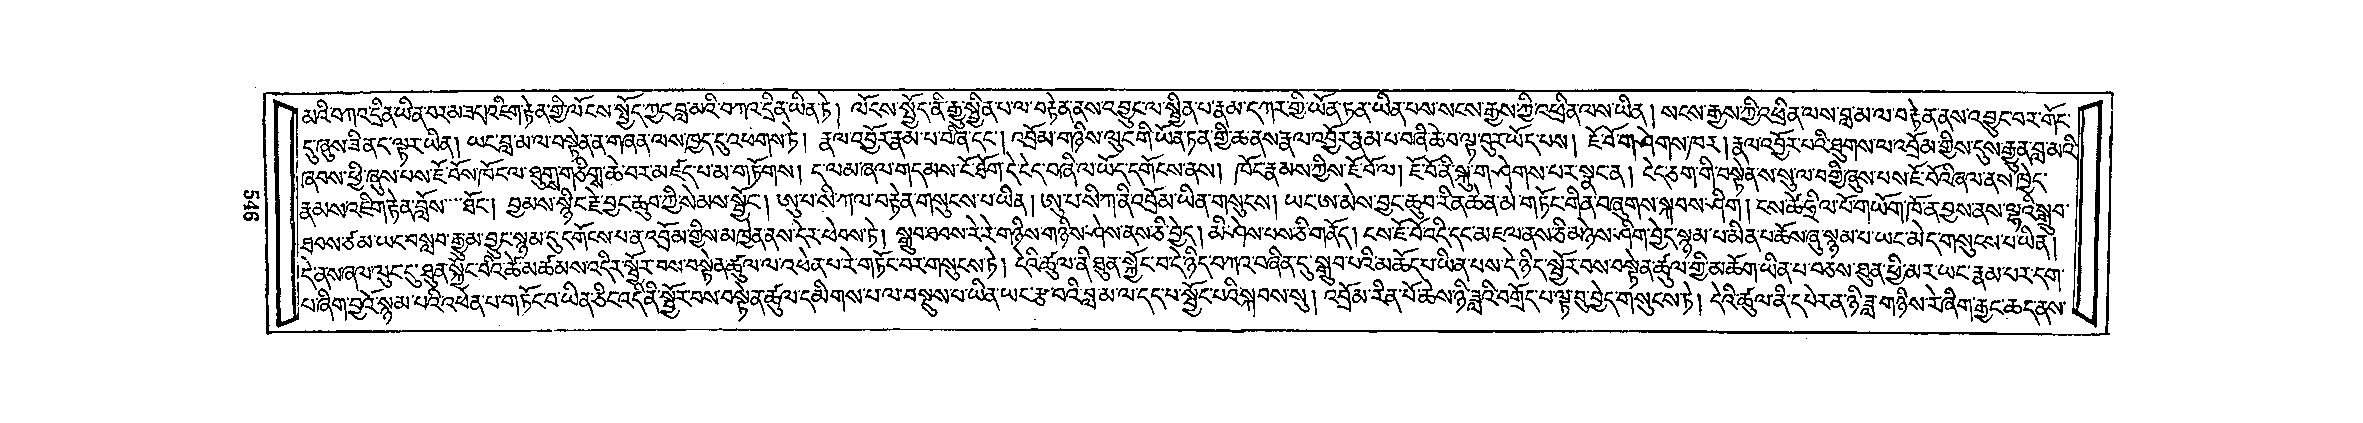མའི་བཀའ་དྲིན་ཡིན་བར་མ་ཟད། འཇིག་རྟེན་གྱི་ལོངས་སྤྱོད་ཀྱང་བླ་མའི་བཀའ་དྲིན་ཡིན་ཏེ། ལོངས་སྤྱོད་ནི་རྒྱུ་སྦྱིན་པ་ལ་བརྟེན་ནས་འབྱུང་ལ་སྦྱིན་པ་རྣམ་དཀར་གྱི་ཡོན་ཏན་ཡིན་པས་སངས་རྒྱས་ཀྱི་འཕྲིན་ལས་ཡིན། སངས་རྒྱས་ཀྱི་འཕྲིན་ལས་བླ་མ་ལ་བརྟེན་ནས་འབྱུང་བར་གོང་
དུ་ཞུས་ཟིན་ད་ལྟར་ཡིན། ཡང་བླ་མ་ལ་བསྟེན་ན་གཞན་ལས་ཁྱད་དུ་འཕགས་ཏེ། རྣལ་འབྱོར་རྣམ་པ་བཞི་དང་། འབྲོམ་གཉིས་ལུང་གི་ཡོན་ཏན་གྱི་ཆ་ནས་རྣལ་འབྱོར་རྣམ་པ་བཞི་ཆེ་བ་ལྟ་བུར་ཡོད་པས། ཇོ་བོ་གཤེགས་ཁར། རྣལ་འབྱོར་པའི་ཐུགས་ལ་འབྲོམ་གྱིས་དུས་རྒྱུན་བླ་མའི་
ཞབས་ཕྱི་ཞུས་པས་ཇོ་བོས་ཁོང་ལ་ཐུགས་གཅིགས་ཆེ་བར་མཛད་པ་མ་གཏོགས། ད་ལམ་ཞལ་གདམས་ངོ་ཐོག་དེ་ངེད་བཞི་ལ་ཡོད་དགོངས་ནས། ཁོང་རྣམས་ཀྱིས་ཇོ་བོ་ལ། ཇོ་བོ་ནི་སྐུ་གཤེགས་པར་སྣང་ན། ངེད་ཅག་གི་བསྟེན་ས་སུ་ལ་བགྱི་ཞུས་པས་ཇོ་བོའི་ཞལ་ནས་ཁྱེད་
རྣམས་འཇིག་རྟེན་བློས་ཐོང་། བྱམས་སྙིང་རྗེ་བྱང་ཆུབ་ཀྱི་སེམས་སྦྱོང་། ཨུ་པ་སི་ཀ་ལ་བརྟེན་གསུངས་པ་ཡིན། ཨུ་པ་སི་ཀ་ནི་འབྲོམ་ཡིན་གསུངས། ཡང་ཨ་མེས་བྱང་ཆུབ་རིན་ཆེན་མེ་གཏོང་གིན་བཞུགས་སྐབས་ཤིག །ངས་ཚེ་ཧྲིལ་པོ་གཡོག་ཁོ་ན་བྱས་ནས་ལྷའི་སྒྲུབ་
ཐབས་ཙམ་ཡང་བསླབ་རྒྱུ་མ་བྱུང་སྙམ་དུ་དགོངས་པ་ན་འབྲོམ་གྱིས་མཁྱེན་ནས་དེར་ཕེབས་ཏེ། སྒྲུབ་ཐབས་རེ་རེ་གཉིས་གཉིས་ཤེས་ནས་ཅི་བྱེད། མི་ཤེས་པས་ཅི་གནོད། ངས་ཇོ་བོ་འདི་དང་མཇལ་ནས་ཅི་མཉེས་ཤིག་བྱེད་སྙམ་པ་མིན་པ་ཆོས་ཞུ་སྙམ་པ་ཡང་མེད་གསུངས་པ་ཡིན།
དེ་ནས་ཞལ་ལུང་དུ་ཐུན་སྐྱོང་བའི་ཚེ་མཚམས་འདིར་སྦྱོར་བས་བསྟེན་ཚུལ་ལ་འཕེན་པ་རེ་གཏོང་བར་གསུངས་ཏེ། དེའི་ཚུལ་ནི་ཐུན་སྐྱོང་བ་དེ་ཉིད་བཀའ་བཞིན་དུ་སྒྲུབ་པའི་མཆོད་པ་ཡིན་པས་དེ་ཉིད་སྦྱོར་བས་བསྟེན་ཚུལ་གྱི་མཆོག་ཡིན་པ་བཅས་ཐུན་ཕྱི་མར་ཡང་རྣམ་པར་དག་
པ་ཞིག་བྱའོ་སྙམ་པའི་འཕེན་པ་གཏོང་བ་ཡིན་ཅིང་འདི་ནི་སྦྱོར་བས་བསྟེན་ཚུལ་དམིགས་པ་ལ་བསྡུས་པ་ཡིན་ཡང་རྩ་བའི་བླ་མ་ལ་དད་པ་སྦྱོང་བའི་སྐབས་སུ། འབྲོམ་རིན་པོ་ཆེས་ཉི་ཟླའི་བགྲོད་པ་ལྟ་བུ་བྱེད་གསུངས་ཏེ། དེའི་ཚུལ་ནི་དཔེར་ན་ཉི་ཟླ་གཉིས་རེ་ཞིག་རྒྱང་ཆད་ནས་